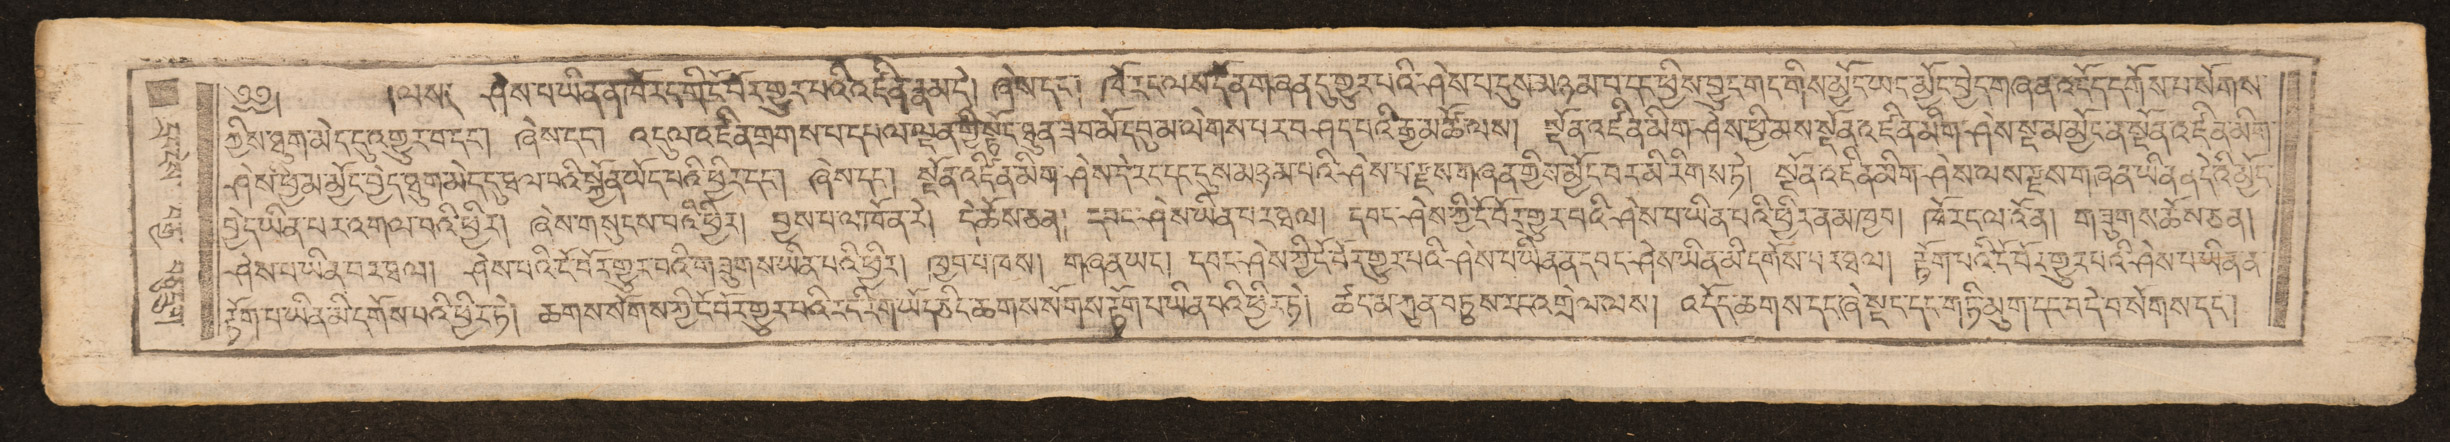༄༅། །ལས༑ ཤེས་པ་ཡིན་ན་ཁོ་རང་གི་ངོ་བོར་གྱུར་པའི་འཛིན་རྣམ་དེ། ཞེས་དང་། ཁོ་རང་ལས་དོན་གཞན་དུ་གྱུར་པའི་ཤེས་པ་དུས་མཉམ་པ་དང་ཕྱིས་བྱུང་གང་གིས་མྱོང་ཡང་མྱོང་བྱེད་གཞན་འདོད་དགོས་པ་སོགས་
ཀྱིས་ཐུག་མེད་དུ་འགྱུར་བ་དང་། ཞེས་དང་། འདུལ་འཛིན་གྲགས་པ་དཔལ་ལྡན་གྱི་སྟོང་ཐུན་ཟབ་མོ་དབུ་མ་ལེགས་པར་བཤད་པའི་རྒྱ་མཚོ་ལས། སྔོན་འཛིན་མིག་ཤེས་ཕྱི་མས་སྔོན་འཛིན་མིག་ཤེས་སྔ་མ་མྱོང་ན་སྔོན་འཛིན་མིག་
ཤེས་ཕྱི་མ་མྱོང་བྱེད་ཐུག་མེད་དུ་ཐལ་པའི་སྐྱོན་ཡོད་པའི་ཕྱིར་དང་། ཞེས་དང་། སྔོན་འཛིན་མིག་ཤེས་དེ་རང་དང་དུས་མཉམ་པའི་ཤེས་པ་རྫས་གཞན་གྱིས་མྱོང་བར་མི་རིགས་ཏེ། སྔོན་འཛིན་མིག་ཤེས་ལས་རྫས་གཞན་ཡིན་ན་དེའི་མྱོང་
བྱེད་ཡིན་པར་འགལ་བའི་ཕྱིར། ཞེས་གསུངས་པའི་ཕྱིར། བྱས་བ་ལ་ཁོ་ན་རེ། དེ་ཆོས་ཅན། དབང་ཤེས་ཡིན་པར་ཐལ། དབང་ཤེས་ཀྱི་ངོ་བོར་གྱུར་པའི་ཤེས་པ་ཡིན་པའི་ཕྱིར་ན་མ་ཁྱབ། ཁོ་རང་ལ་འོ་ན། གཟུགས་ཆོས་ཅན།
ཤེས་པ་ཡིན་པར་ཐལ། ཤེས་པའི་ངོ་བོར་གྱུར་པའི་གཟུགས་ཡིན་པའི་ཕྱིར། ཁྱབ་པ་ཁས། གཞན་ཡང་། དབང་ཤེས་ཀྱི་ངོ་བོར་གྱུར་པའི་ཤེས་པ་ཡིན་ན་དབང་ཤེས་ཡིན་མི་དགོས་པར་ཐལ། རྟོག་པའི་ངོ་བོར་གྱུར་པའི་ཤེས་པ་ཡིན་ན་
རྟོག་པ་ཡིན་མི་དགོས་པའི་ཕྱིར་ཏེ། ཆགས་སོགས་ཀྱི་ངོ་བོར་གྱུར་པའི་རང་རིག་ཡོད་ཅིང་ཆགས་སོགས་རྟོག་པ་ཡིན་པའི་ཕྱིར་ཏེ། ཚད་མ་ཀུན་བཏུས་རང་འགྲེལ་ལས། འདོད་ཆགས་དང་ཞེ་སྡང་དང་གཏི་མུག་དང་བདེ་བ་སོགས་དང་།